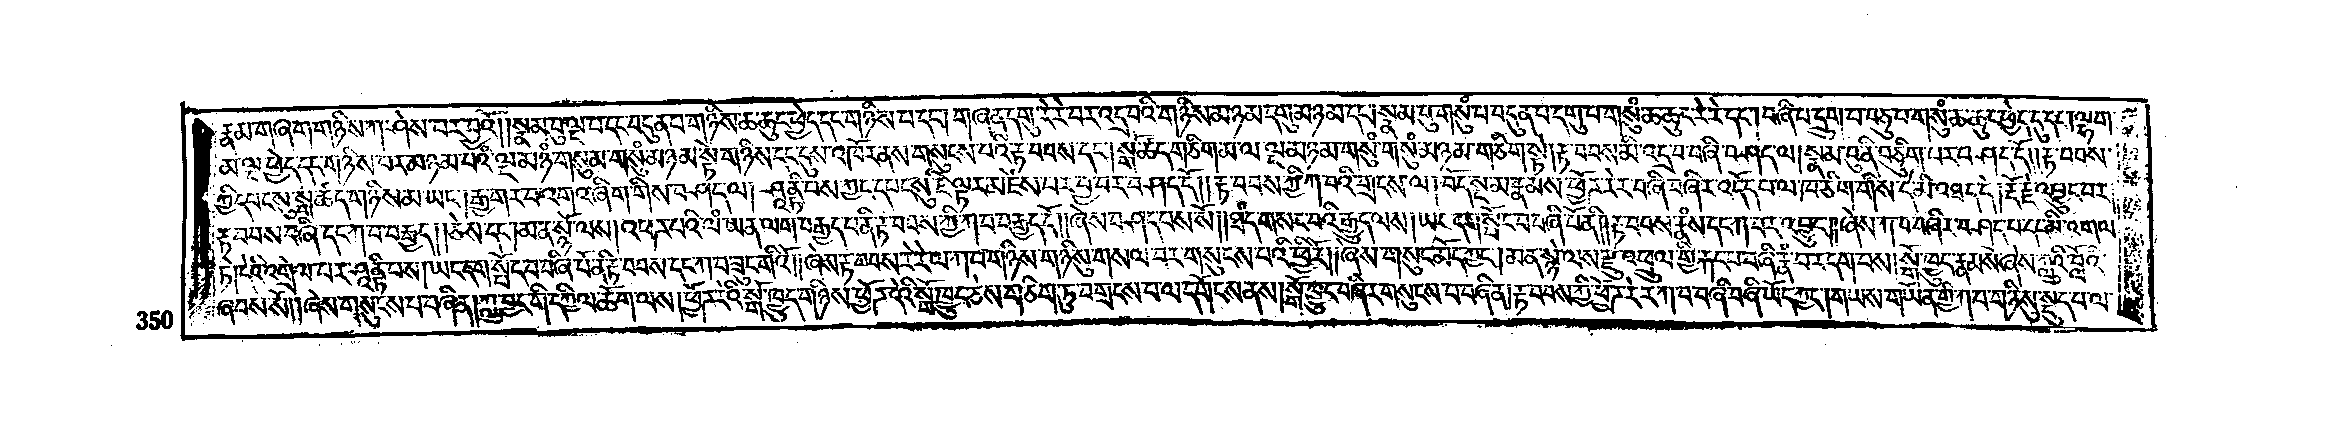རྣམ་གཞག་གཉིས་ཀ་ཤེས་པར་བྱའོ། །སྣམ་བུ་ལྔ་པ་དང་བདུན་པ་གཉིས་ཆ་ཆུང་ཕྱེད་དང་གཉིས་པ་དང་། གཞན་དགུ་རེ་རེ་བར་འདྲ་བའི་གཉིས་མཉམ་དགུ་མཉམ་དང་། སྣམ་བུ་གསུམ་པ་བདུན་པ་དགུ་པ་གསུམ་ཆ་ཆུང་རེ་རེ་དང་། བཞི་པ་དྲུག་པ་བཅུ་པ་གསུམ་ཆ་ཆུང་ཕྱེད་དུ་དང་། ལྷག་
མ་ལྔ་ཕྱེད་དང་གཉིས་པར་མཉམ་པའི་ལྔ་མཉམ་གསུམ་གསུམ་མཉམ་སྟེ་གཉིས་དང་དུས་འཁོར་ནས་གསུངས་པའི་རྟ་བབས་དང་། སྒོ་ཚད་གཅིག་མ་ལ་ལྔ་མཉམ་གསུམ་གསུམ་མཉམ་གཅིག་སྟེ། རྟ་བབས་མི་འདྲ་བ་བཞི་བཤད་ལ། སྣམ་བུ་ནི་བཅུ་གཅིག་པར་བཤད་དོ། །རྟ་བབས་
ཀྱི་དཔངས་སུ་སྒོ་ཚད་གཉིས་མ་ཡང་། རྒྱ་གར་བ་འགའ་ཞིག་གིས་བཤད་ལ། ཤཱནྟི་པས་ཀྱང་དཔངས་སུ་ཇི་ལྟར་མཛེས་པར་བྱ་བར་བཤད་དོ། །རྟ་བབས་ཀྱི་བའི་གྲངས་ལ། བོད་སྔ་མ་རྣམས་ཕྱོགས་རེར་བཞི་བཞིར་འདོད་པ་ལ་ཁ་ཅིག་གིས་དེ་མི་འཐད་དེ། རྡོ་རྗེ་འབྱུང་བར།
རྟ་བབས་བཞི་དང་ཀ་བ་བརྒྱད། །ཅེས་དང་། མན་སྙེ་ལས། འཕགས་པའི་ལཾ་ཡན་ལག་བརྒྱད་པ་ནི་རྟ་བབས་ཀྱི་ཀ་བ་བརྒྱད་དོ། །ཞེས་བཤད་པས་སོ། །ཐམ་ཅད་གསང་བའི་རྒྱུད་ལས། ཡང་དག་སྤོང་བ་བཞི་པོ་ནི། །རྟ་བབས་རྣམས་དང་ཀ་བར་འབྱུང་། ཞེས་ཀ་བ་བཞིར་བཤད་པ་དང་མི་འགལ་
ཏེ། དེའི་འགྲེལ་པར་ཤཱནྟི་པས། ཡང་དག་སྤོད་བ་བཞི་པོ་ནི་རྟ་བབས་དང་ཀ་བ་ཟུང་གིའོ། །ཞེས་རྟ་བབས་རེ་རེ་ལ་ཀ་བ་གཉིས་གཉིས་སུ་གསལ་བར་གསུངས་པའི་ཕྱིར་རོ། །ཞེས་གསུང་མོད་ཀྱང་། མན་སྙེ་ལས་རྫུ་འཕྲུལ་གྱི་རྐང་པ་བཞི་རྣམ་པར་དག་པས། སྒོ་ཁྱུད་རྣམས་སོ་ཞེས་ཀླུའི་བློའི་
ཞབས་སོ། །ཞེས་གསུངས་པ་བཞིན། ཀླུ་བྱང་གི་དཀྱིལ་ཆོག་ལས། ཕྱོགས་རེའི་སྒོ་ཁྱུད་གཉིས་ཕྱོགས་དེའི་སྒོ་ཁྱུད་ཅེས་གཅིག་ཏུ་བགྲངས་པ་ལ་དགོངས་ནས། སྒོ་ཁྱུང་བཞིར་གསུངས་པ་བཞིན། རྟ་བབས་ཀྱི་ཕྱོགས་རེར་ཀ་བ་བཞི་བཞི་ཡོད་ཀྱང་། གཡས་གཡོན་གྱི་ཀ་བ་གཉིས་སུ་སྡུད་པ་ལ་